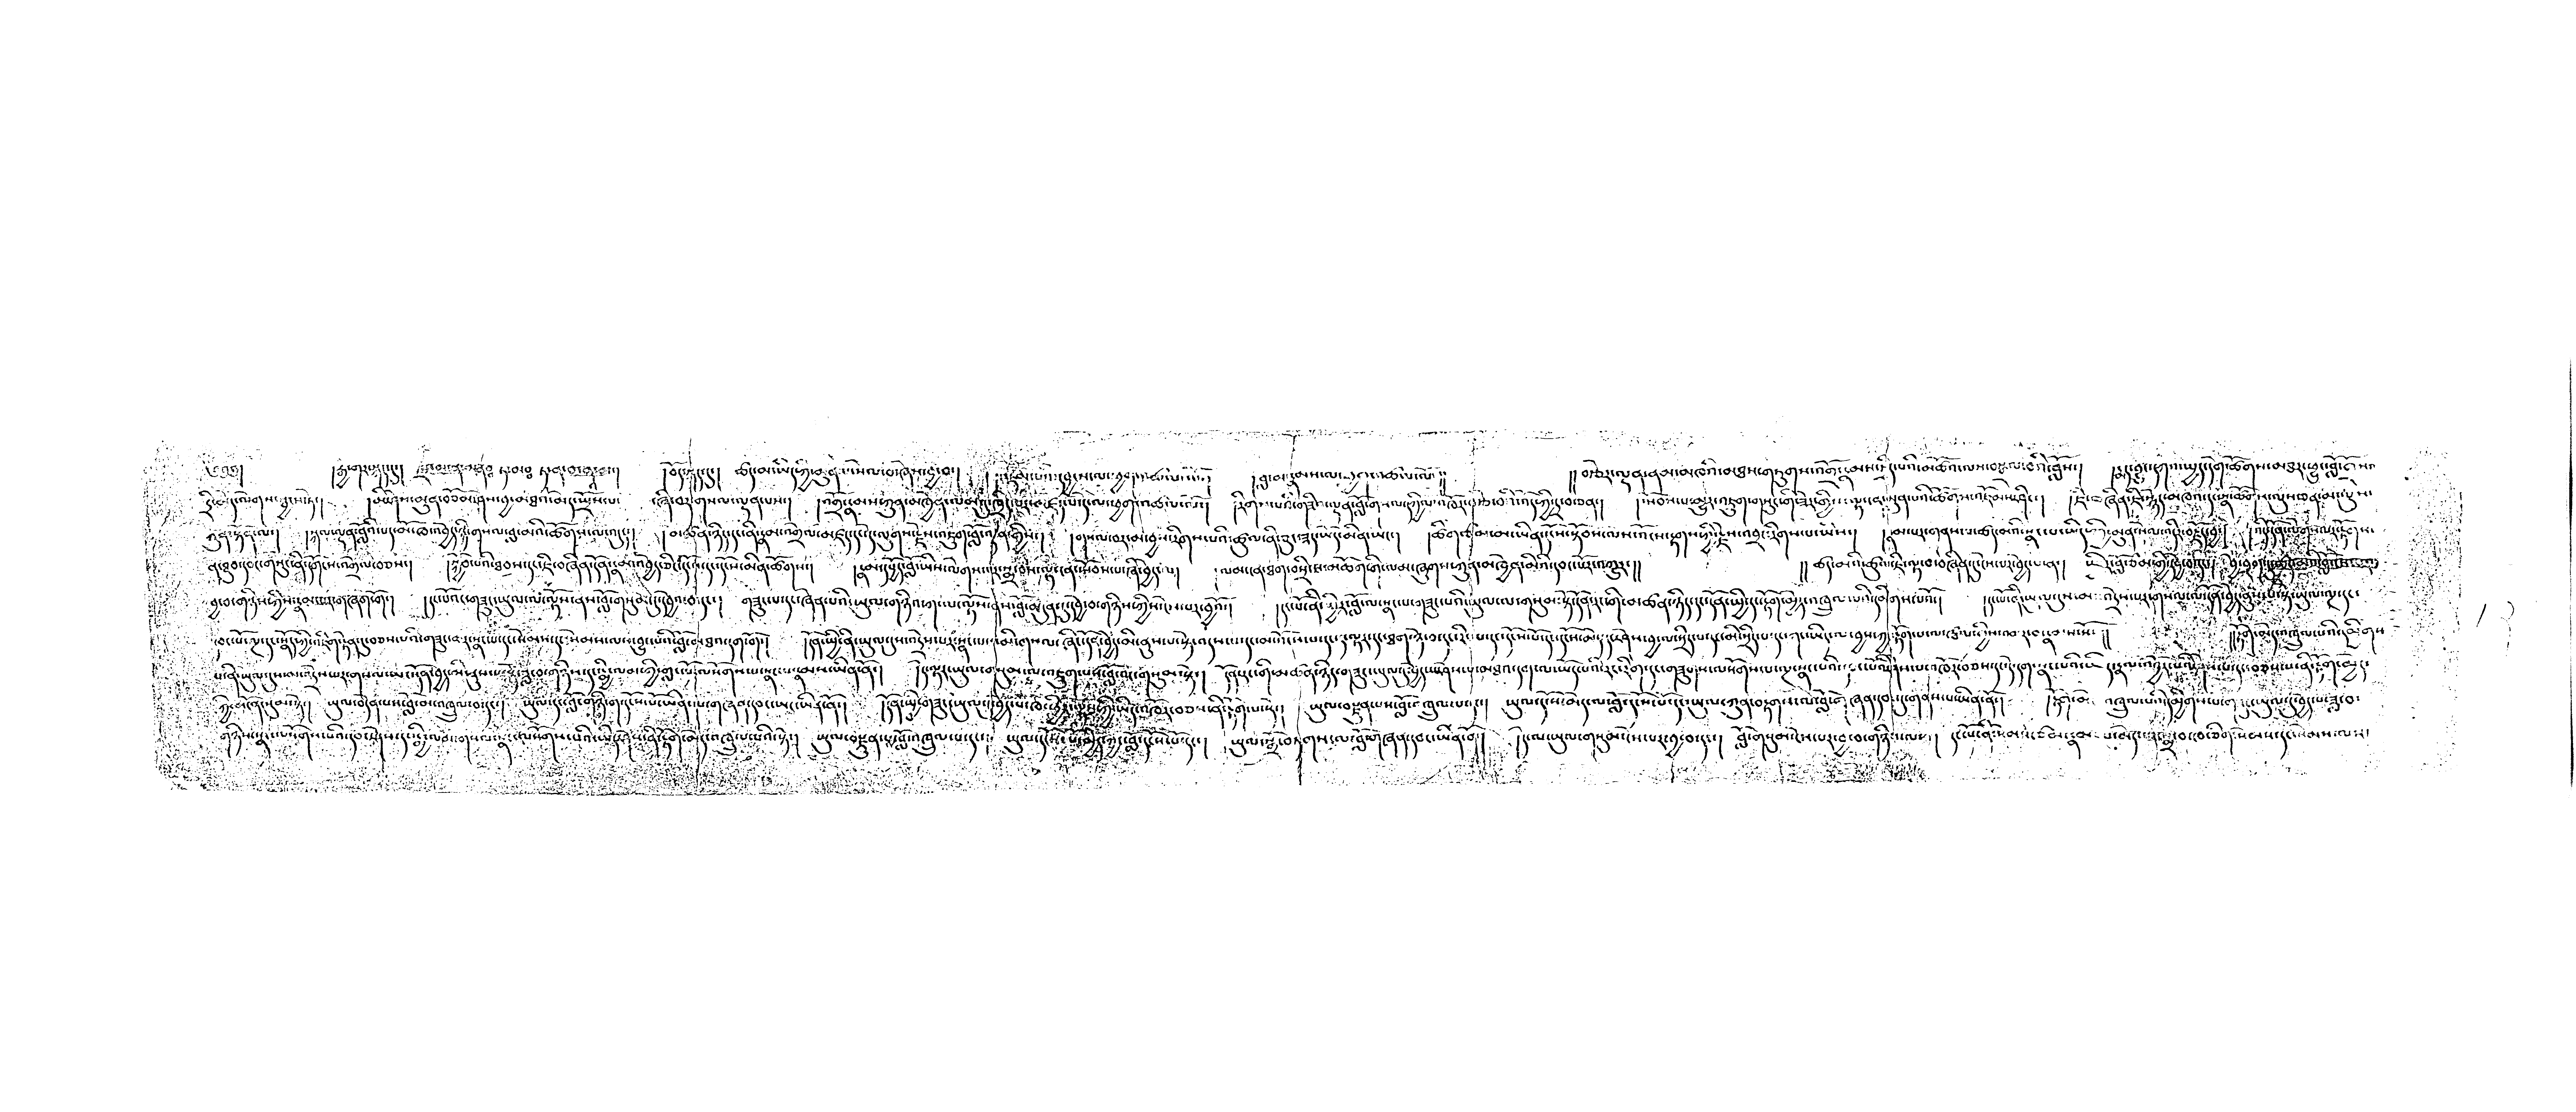༄༅༅། །རྒྱ་གར་སྐད་དུ། པྲ་མ་ན་མནའ་ཏ་མཿཏཱ་ན་བ་ནཱ་མ། བོད་སྐད་དུ། ཚད་མ་ཡིད་ཀྱི་མུན་པ་སེལ་བ་ཞེས་བྱ་བ། །འཇམ་པའི་དབྱངས་ལ་ཕྱག་འཚལ་ལོ། །བླ་མ་རྣམས་ལ་ཕྱག་འཚལ་ལོ།། །།བཙེར་ལྡན་ནམ་མཁའི་མཐས་གཏུགས་འགྲོ་རྣམས་སྲིད་པའི་མཚོའ་ལས་བསྒྲལ་བའི་བློས། །རྨད་བྱུང་དཀའ་སྤྱད་དགེ་ཚོགས་མཐར་ཕྱུང་བློ་གྲོས་
དྲི་མེད་ལེགས་སྦྱངས་ཏེ། །མི་ཤེས་མུན་བཅོམ་ཤེས་བྱ་མཐའོ་མེད་སྤྲོས་པ་ཞི་བར་གསལ་ལྡན་པས། །འགྲོ་རྣམས་ཀུན་མཁྱེན་ལམ་དུ་ཁྲིད་པར་མཛད་པ་དེ་ལ་ཕྱག་འཚལ་ལོ། །རིགས་པའི་གཟའི་ལྡན་བློ་གསལ་དཀྱིལ་འཁོར་བརྩེ་བའི་འོད་ཀྱི་དྲ་བ་ཅན། །སྤོབས་པ་མྱུར་འཇུག་གསུང་གི་ཟེར་གྱིས་ལྟ་ངན་ཡུན་པའི་ཚོགས་འཇོམས་ཤིང་། །ཇི་བཞིན་ཇི་སྙེད་མཁའ་དང་སྣ་ཚོགས་ལུས་ཅན་མ་ལུས་
ཀུན་སྟོན་ལ། །སྐལ་ལྡན་བློའི་པད་མོ་ཁ་འབྱེད་དེ་གསལ་བླ་མའི་ཚོགས་ལ་འདུད། །མཚན་ཉིད་དང་ནི་རྣམ་འགྲེལ་མཛད་དང་དེ་ལུགས་རྗེས་འཇུག་བློ་ལྡན་གྱིས། །གསལ་བར་མ་བྱས་རིགས་པའི་ཚུལ་ནི་ཅུང་ཟད་ཡོད་མིན་ཡང་། །ཚིག་ཙམ་མ་ཡིན་དངོས་སྟོབས་ལས་འོངས་རྟགས་ཀྱི་རྗེས་འབྲང་རིགས་པ་ཡིས། །རྣམ་པར་གནས་པ་ཚད་མའི་སྣང་པ་ཡིད་ཀྱི་མུན་སེལ་འདིར་བརྗོད་བྱ། །འདི་དོན་ལེགས་པར་རྟོགས་
ན་ཐུབ་དབང་གསུང་ནི་དགོངས་འགྲེལ་བཅས། །སྐྱོབ་པའི་ཐབས་དང་ཇི་བཞིན་དོན་རྣམ་འབྱེད་ཅིང་དངོས་དང་དངོས་མིན་ཚོགས། །རྣམ་དཔྱོད་བློ་ཡིས་ལེགས་པར་སྨྲ་བས་ལྟ་ངན་སྤོབས་པ་ཞི་བྱེད་ལ། །ལམ་ངན་ཐག་བསྲིངས་མཆོག་གི་ལམ་ཞུགས་ཀུན་མཁྱེན་མིའི་དབང་པོར་འགྱུར།། །།ཚད་མའི་ཚུལ་ཇི་ལྟ་བ་བཞིན་དུ་ངེས་པར་བྱེད་པ་ན། སྤྱིར་བློ་ཙམ་གྱི་དབྱེ་བ་དང་། བྱེ་བྲག་དུ་ཚད་མའི་བློ་ངེས་པར་
བྱ་བ་གཉིས་ཀྱིས་རྣམ་པར་གཞག་གོ། །དང་པོའི་གཟུང་ཡུལ་ལ་ལྟོས་ནས་བློ་གསུམ་དུ་དབྱེ་བ་དང་། གཟུང་པ་དང་ཞེན་པའི་ཡུལ་གཉིས་ཀ་ལ་ལྟོས་ནས་བློ་མདུན་དུ་དབྱེ་བ་གཉིས་ཀྱིས་ངེས་པར་བྱའོ། །དང་པོ་ནི་སྤྱིར་བློ་ལ་སྣང་པ་གཟུང་པའི་ཡུལ་ལ་གསུམ་སྟེ་དོན་རང་གི་མཚན་ཉིད་དང་དོན་སྤྱི་དང་རྟོག་མེད་སྤྱིར་འཁྲུལ་པའི་དམིགས་པའོ། །དང་པོ་ནི་ཡུལ་དུས་མ་འདྲེས་པར་གསལ་ལ་དོན་བྱེད་ནུས་པ་སྟེ་ཡུལ་ལྔ་དང་
དབང་པོ་ལྔ་དང་སྣོད་ཀྱི་འཇིག་རྟེན་དུ་བཅས་པའི་གཟུང་བར་སྣང་པ་དང་སེམས་དང་སེམས་ལས་འབྱུང་བའི་བློ་མཐའ་དག་གོ། །དོན་སྤྱི་ནི་ཡུལ་དུས་འདྲེས་པར་སྣང་པ་མི་གསལ་ཞིང་དོན་བྱེད་མི་ནུས་པ་སྟེ་འདས་པ་དང་མ་འོངས་པ་དང་ད་ལྟར་དང་ཐག་ཉེ་བ་དང་རིང་པ་དང་དངོས་པོ་དང་དངོས་མེད་དང་ཤེས་བྱ་ལ་སྲིད་པ་དང་མི་སྲིད་པ་དང་གང་ཡིད་ལ་བྱས་ཀྱང་རྟོག་པ་ལ་ཐལ་གྱིས་འབར་བ་རྣམས་སོ།། །།རྟོག་མེད་འཁྲུལ་པའི་དམིགས་
པ་ནི་ཡུལ་དུས་མ་འདྲེས་པར་གསལ་ཡང་དོན་བྱེད་མི་ནུས་པ་སྟེ་ཟླ་བ་གཉིས་དང་སྨི་ལམ་གྱི་གླང་པོ་ལ་སོགས་པ་སྣང་བ་རྣམས་ཡིན་ནོ། །དེ་ལྟར་ཡུལ་གསུམ་ལ་འཇུག་པས་བློ་བང་གསུམ་སྟེ། དོན་རང་གི་མཚན་ཉིད་གཟུང་ཡུལ་དུ་བྱེད་པ་ཤེས་པ་མཐའ་དག་ལ་ཡོད་པའི་རང་རིག་དང་གཟུགས་ལ་སོགས་པ་ལྔ་སྣང་བའི་དང་པོའི་ཤེས་པ་འཁོར་བཅས་དང་དེ་དག་སྣང་པའི་ཡིད་རྣལ་འབྱོར་པའི་ཤེས་པ་དང་བཅས་པ་ནི་རྟོག་མེད་
ཀྱི་མངོན་སུམ་སྟེ། ཡུལ་བདེན་པས་བློ་མ་འཁྲུལ་བ་དང་། ཡུལ་དང་བློ་གཉི་ག་དངོས་པོ་ཡིན་པ་གཞན་དབང་ཡང་ཡིན་ནོ། །དོན་སྤྱི་གཟུང་ཡུལ་དུ་བྱེད་པ་ཁ་ཕྱིར་ལྟོས་ཀྱི་ཡིད་འཁོར་བཅས་ནི་རྟོག་པ་སྟེ། ཡུལ་བརྫུན་པས་བློ་འཁྲུལ་པ་དང་། ཡུལ་དངོས་མེད་ལ་བློ་དངོས་པོ་དང་ཡུལ་ཀུན་བརྟགས་ལ་བློ་གཞན་དབང་དུ་གནས་པ་ཡིན་ནོ། །རྟོག་མེ་འཁྲུལ་པའི་དམིགས་པ་གང་དུ་ཡུལ་དུ་བྱེད་པ་ཟླ་བ་
གཉིས་སྣང་ལ་སོགས་པའི་དབང་ཤེས་དང་སྨི་ལམ་གསལ་སྣང་ལ་སོགས་པའི་ཡིད་ཤེས་ནི་རྟོག་མེད་འཁྲུལ་པའི་སྟེ། ཡུལ་བརྫུན་པས་བློ་འཁྲུལ་པ་དང་། ཡུལ་དངོས་པོ་མེད་ཀྱང་བློ་དངོས་པོ་དང་། །ཡུལ་སྒྲོ་བཏགས་ལ་བློ་གཞན་དབང་ཡིན་ནོ། །དེ་ལ་ཡུལ་གསུམ་ངེས་པར་བྱ་བ་དང་། བློ་གསུམ་ངེས་པར་བྱ་བ་གཉིས་ལས། དང་པོ་ནི་སེམས་ཙམ་རྣམ་པ་མེད་པར་སྨྲ་བ་ཁ་ཅིག་སེམས་དང་སེམས་ལས་